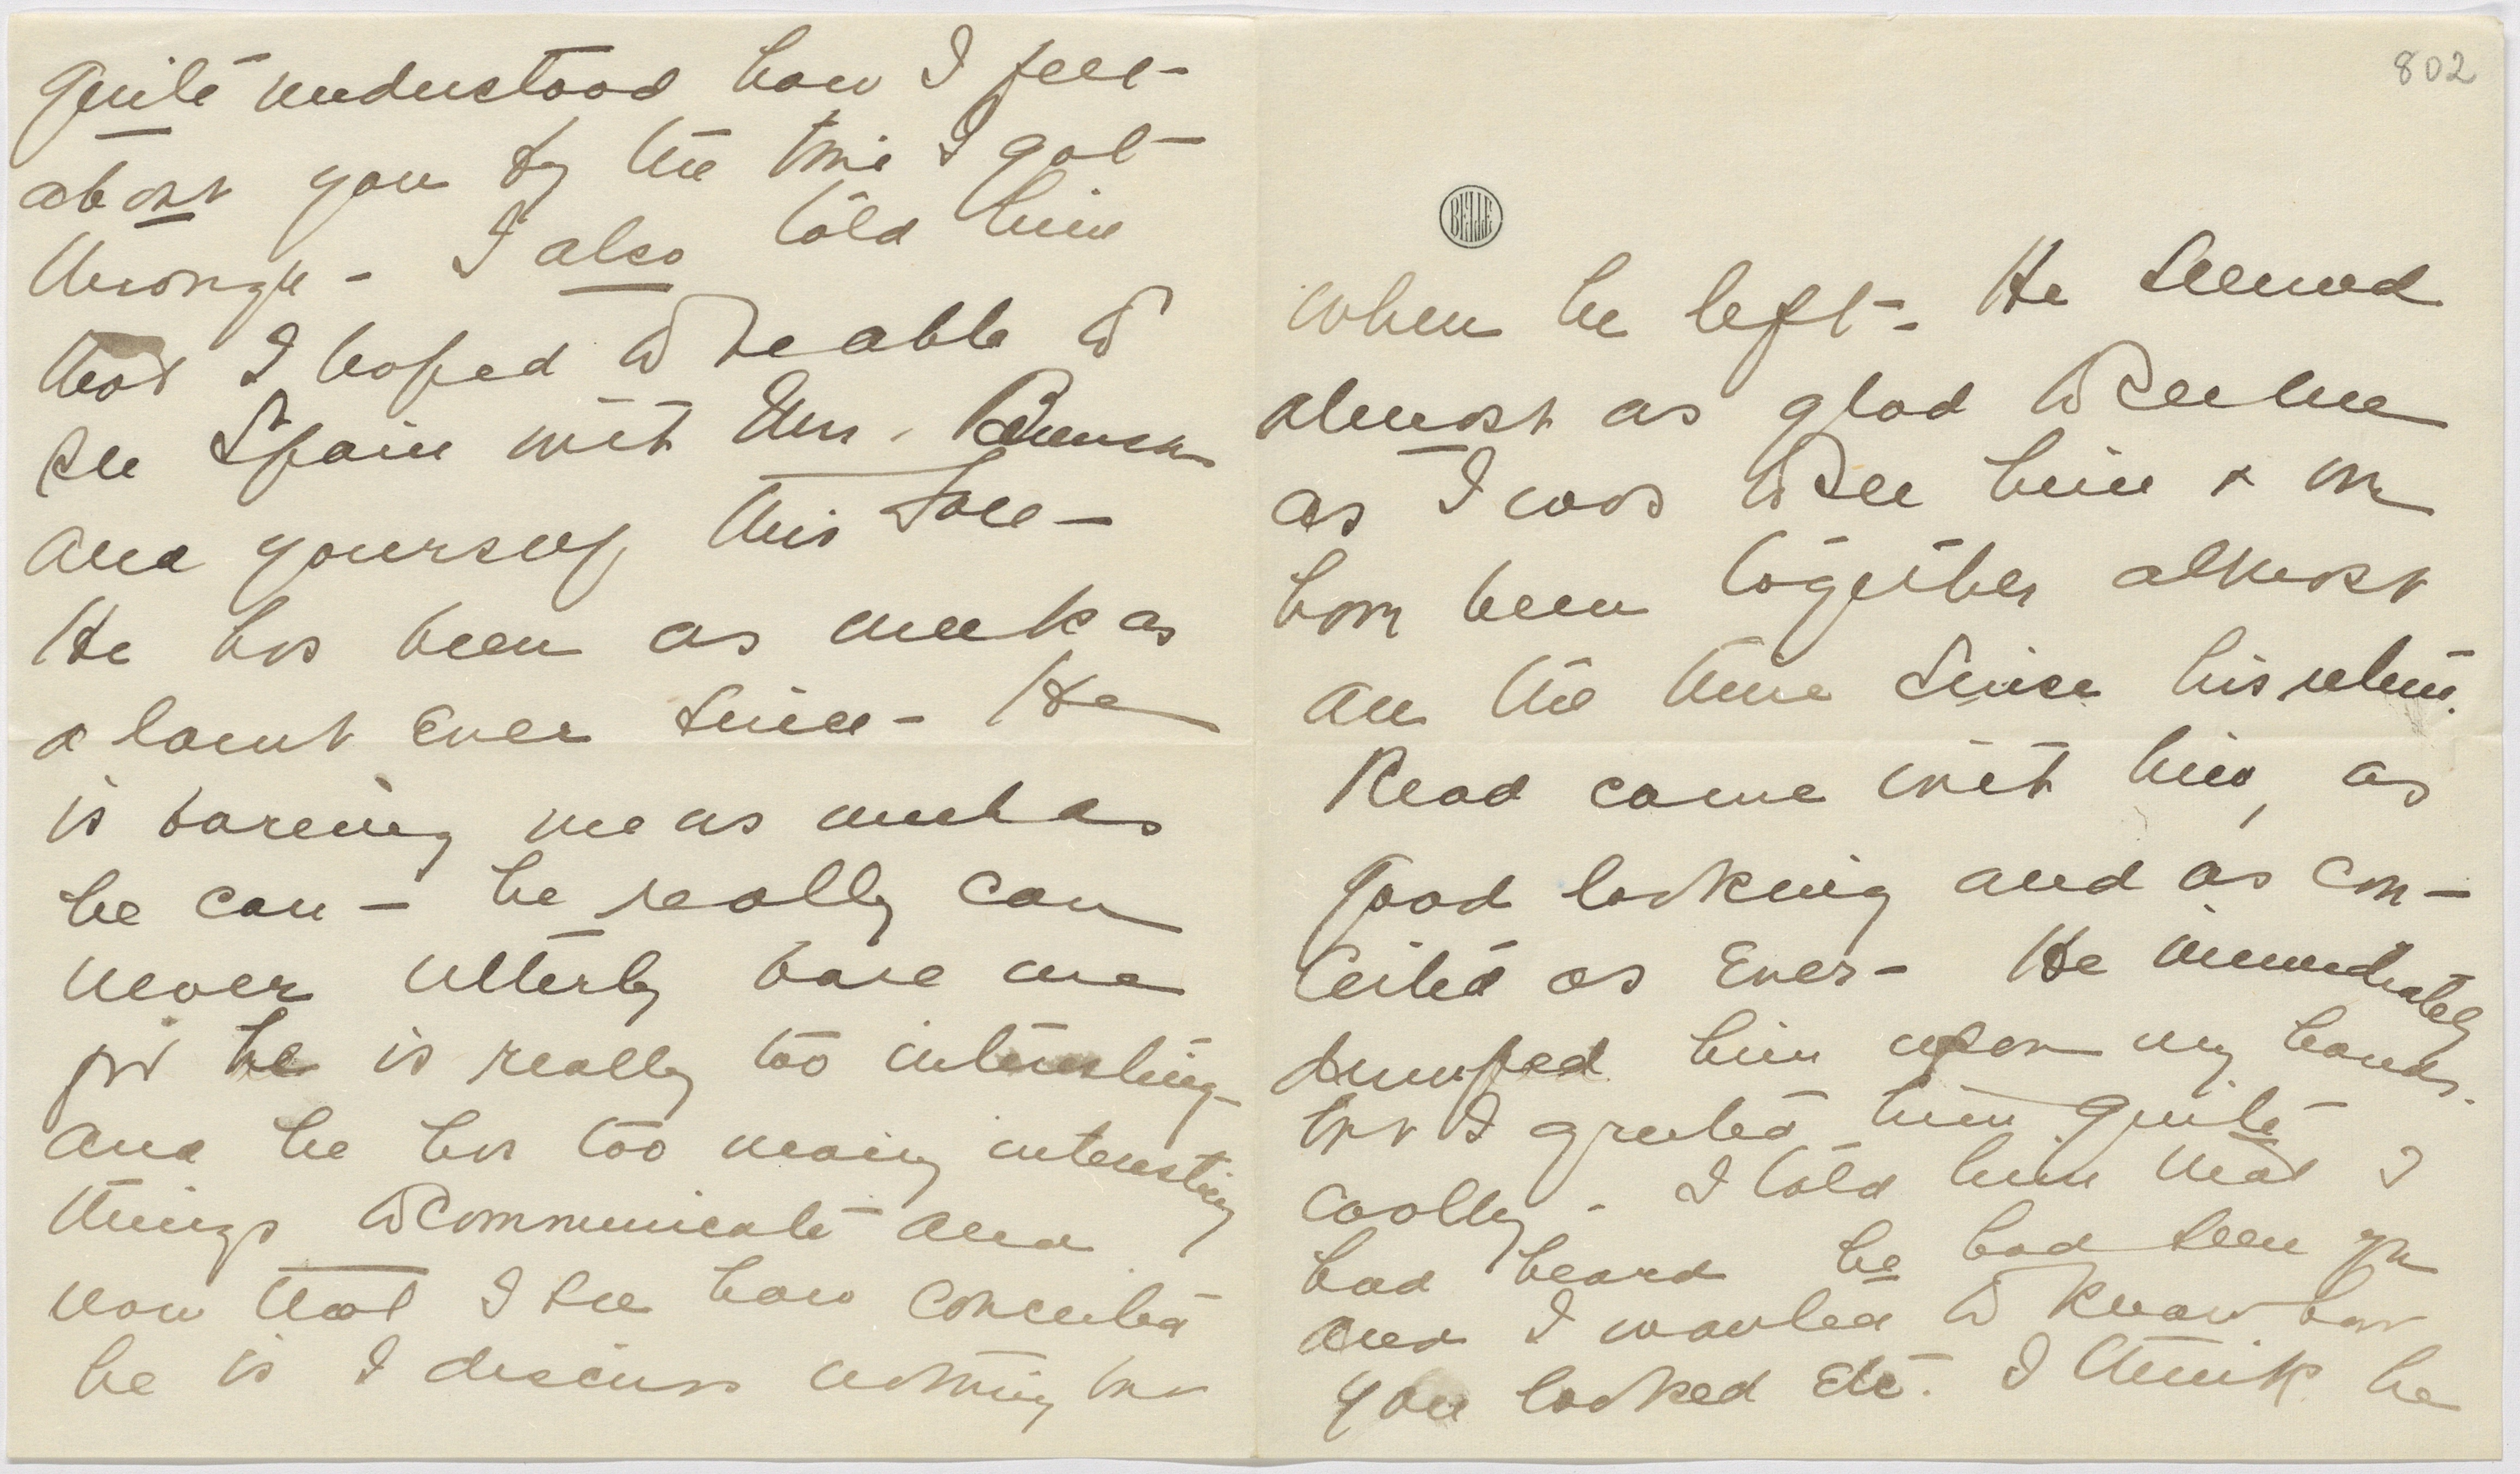when he left – He seemed almost as glad to see me as I was to see him & we have been together almost all the time since his return.
Read came with him, as good looking and as conceited as ever – He immediately dumped him upon my hands. but I greeted him quite coolly – I told him that I had heard he had seen you and I wanted to know how you looked etc. I think he
quite understood how I felt about you by the time I got through – I also told him that I hoped to be able to see Spain with Mrs. Berenson and yourself this Fall – He has been as meek as a lamb ever since – He is boreing [sic] me as much as he can – he really can never utterly bore me for he is really too interesting – and he has too many interesting things to communicate and now that I see how conceited he is I discuss nothing but